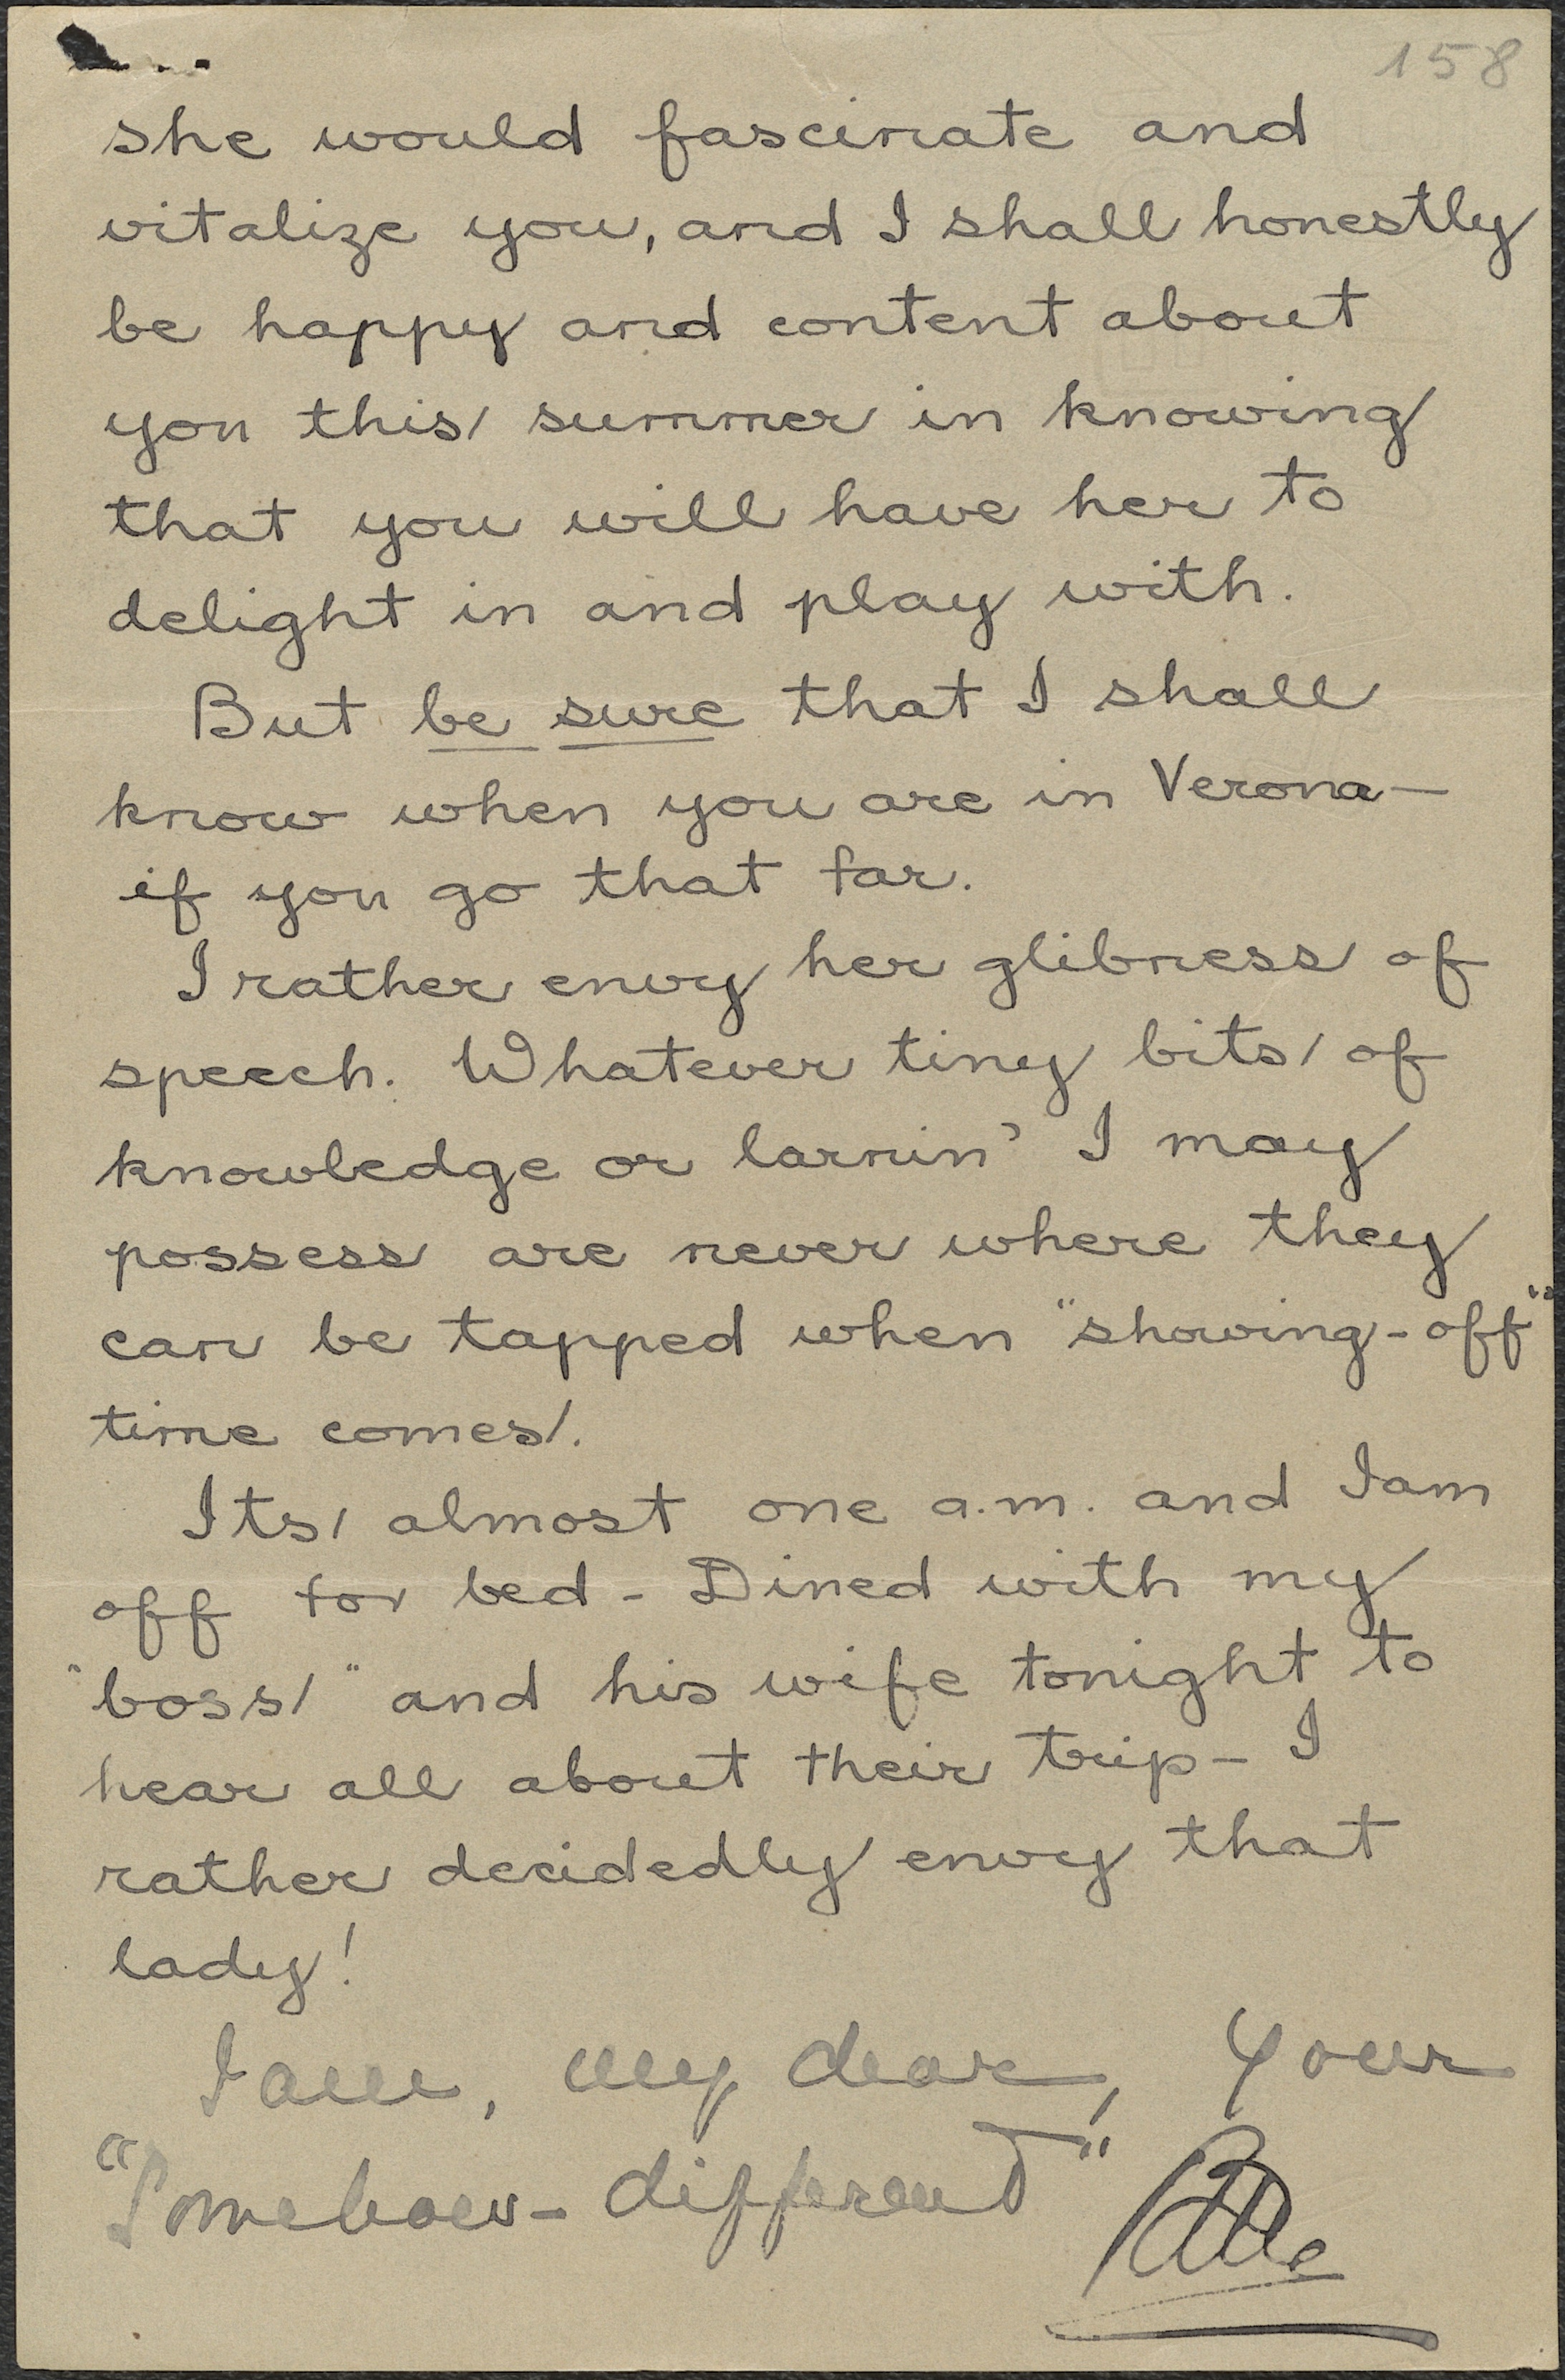she would fascinate and vitalize you, and I shall honestly be happy and content about you this summer in knowing that you will have her to delight in and play with.
But be sure that I shall know when you are in Verona – if you go that far.
I rather envy her glibness of speech. Whatever tiny bits of knowledge or larnin' I may possess are never where they can be tapped when "showing-off" times comes.
Its almost one a.m. and I am off for bed – Dined with my "boss" and his wife tonight to hear all about their trip – I rather decidedly envy that lady!
[cursive handwriting: I am, my dear, your "Somehow-different"]
Belle